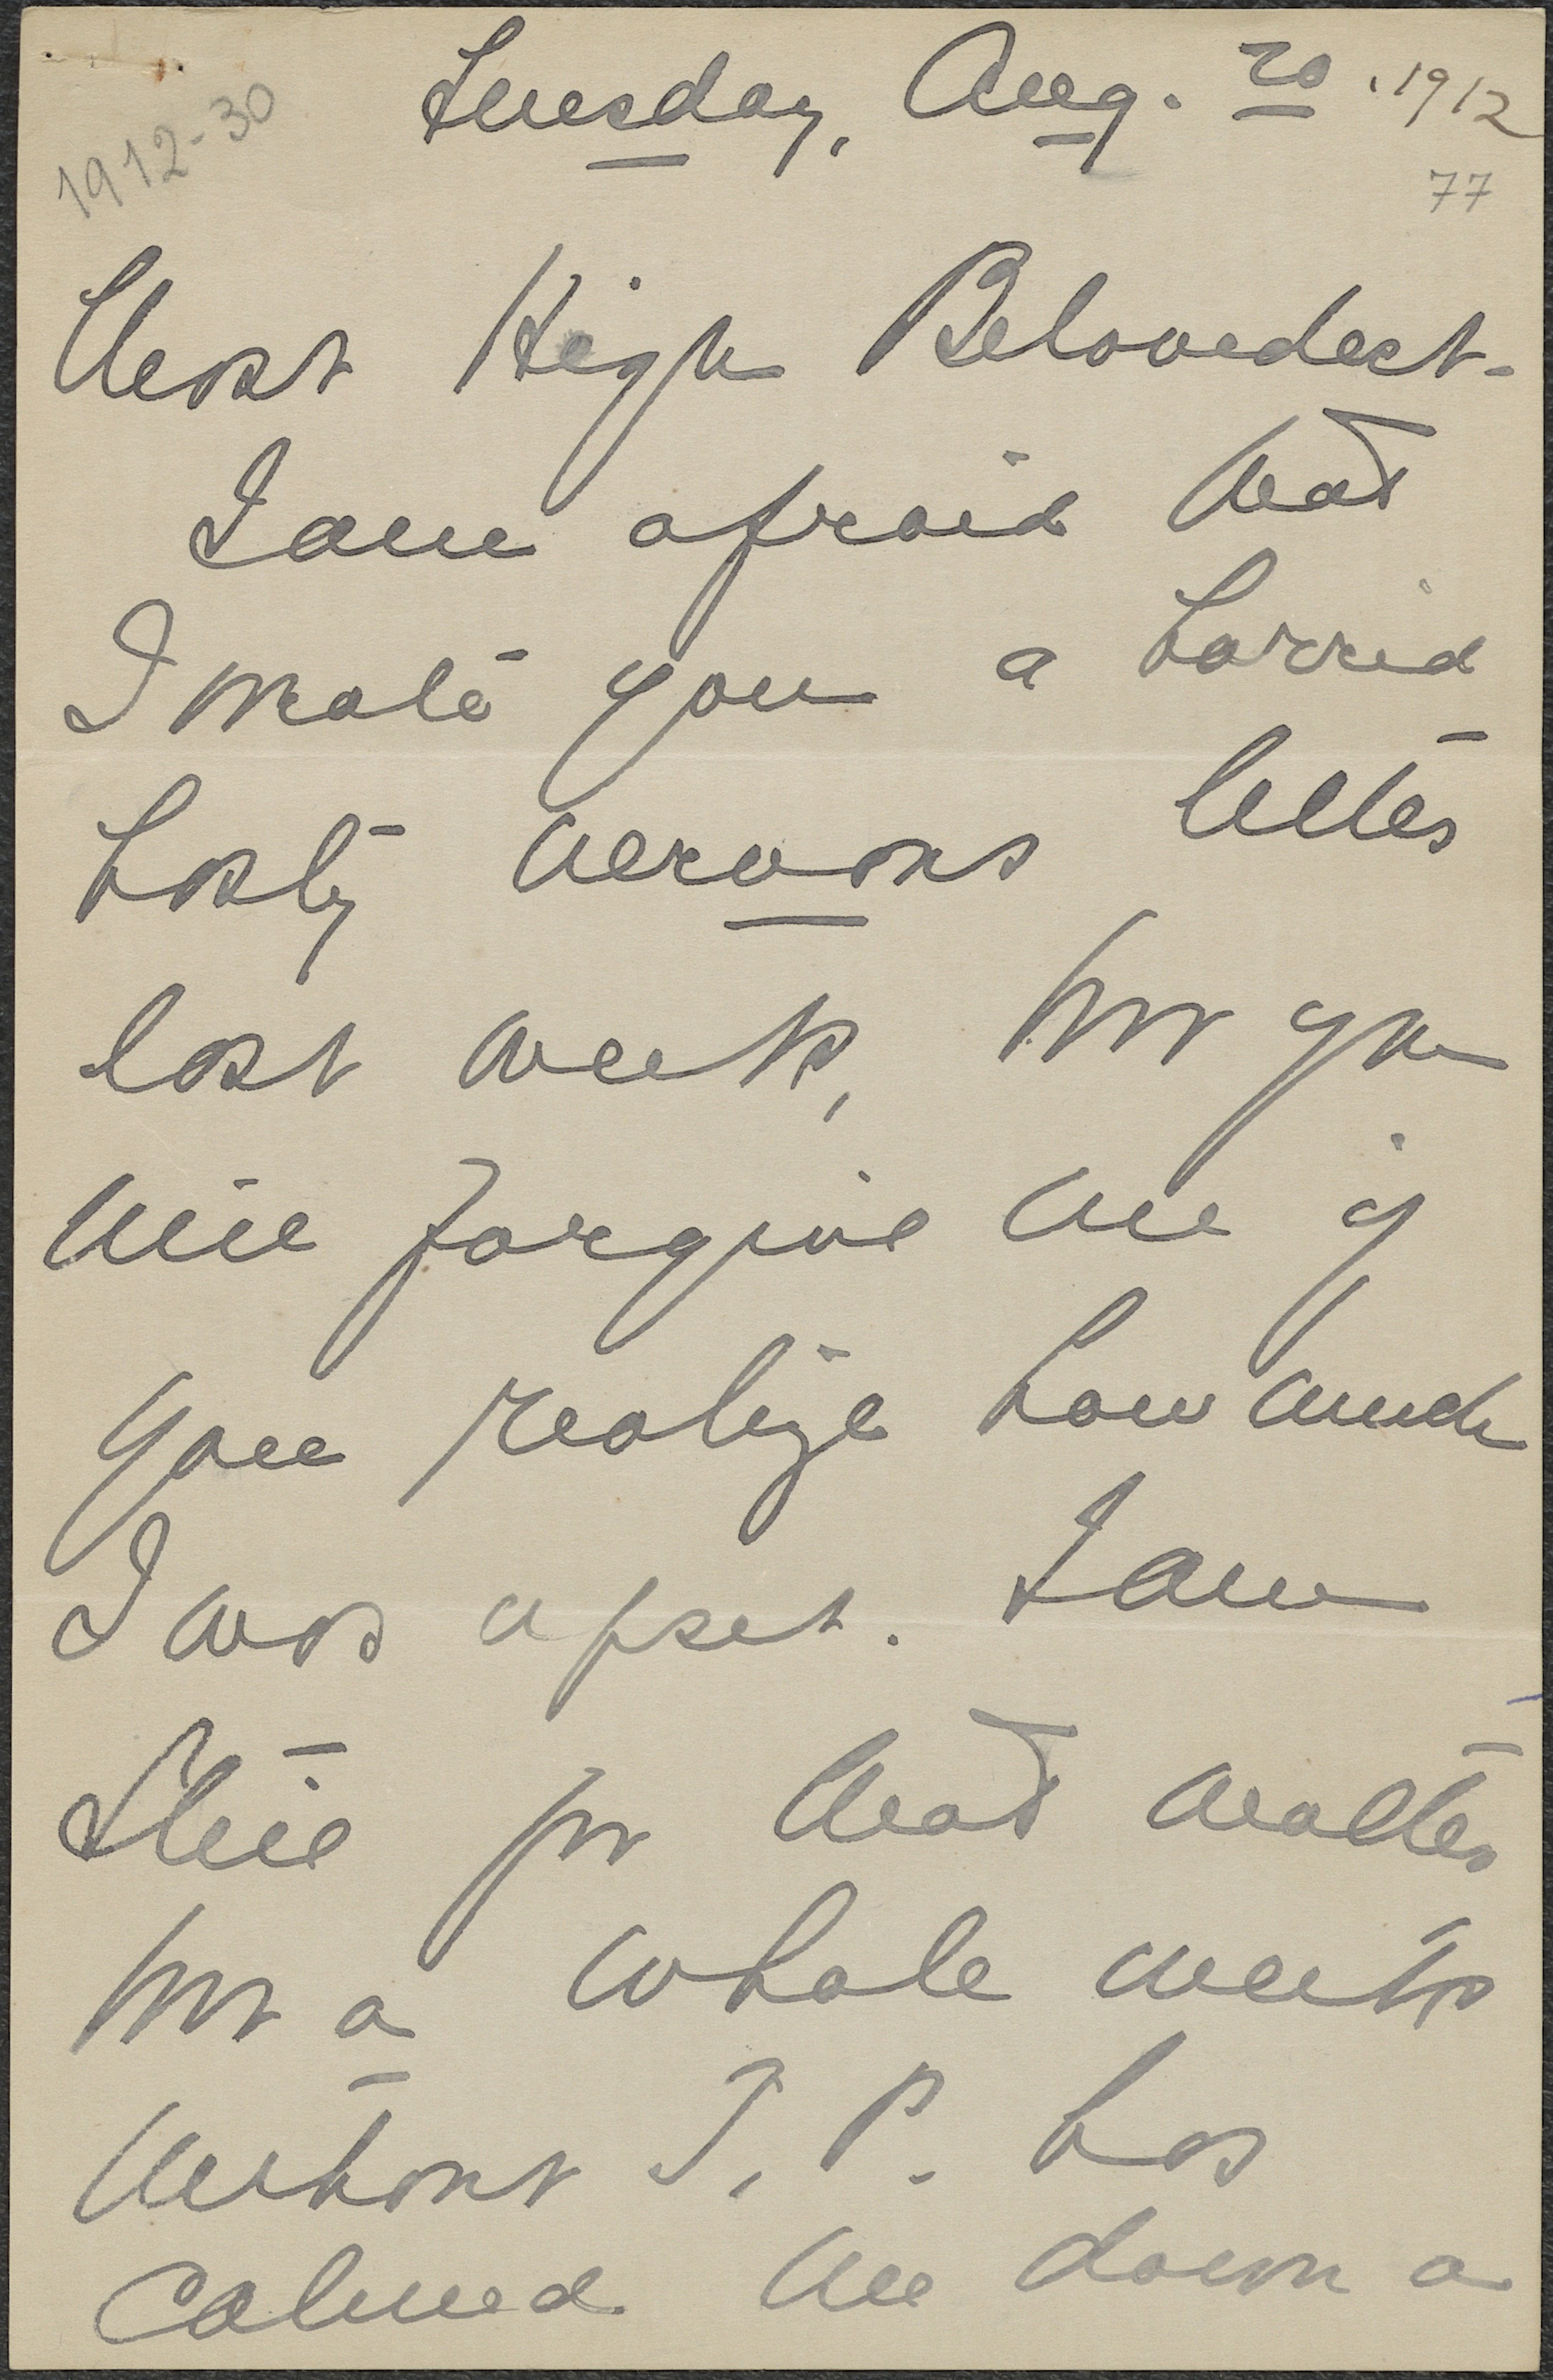Tuesday, August 20, 1912
Most High Belovedest –
I am afraid that I wrote you a horrid hasty nervous letter last week, but you will forgive me if you realize how much I was upset. I am still for that matter but a whole week without J. P. has calmed me down a